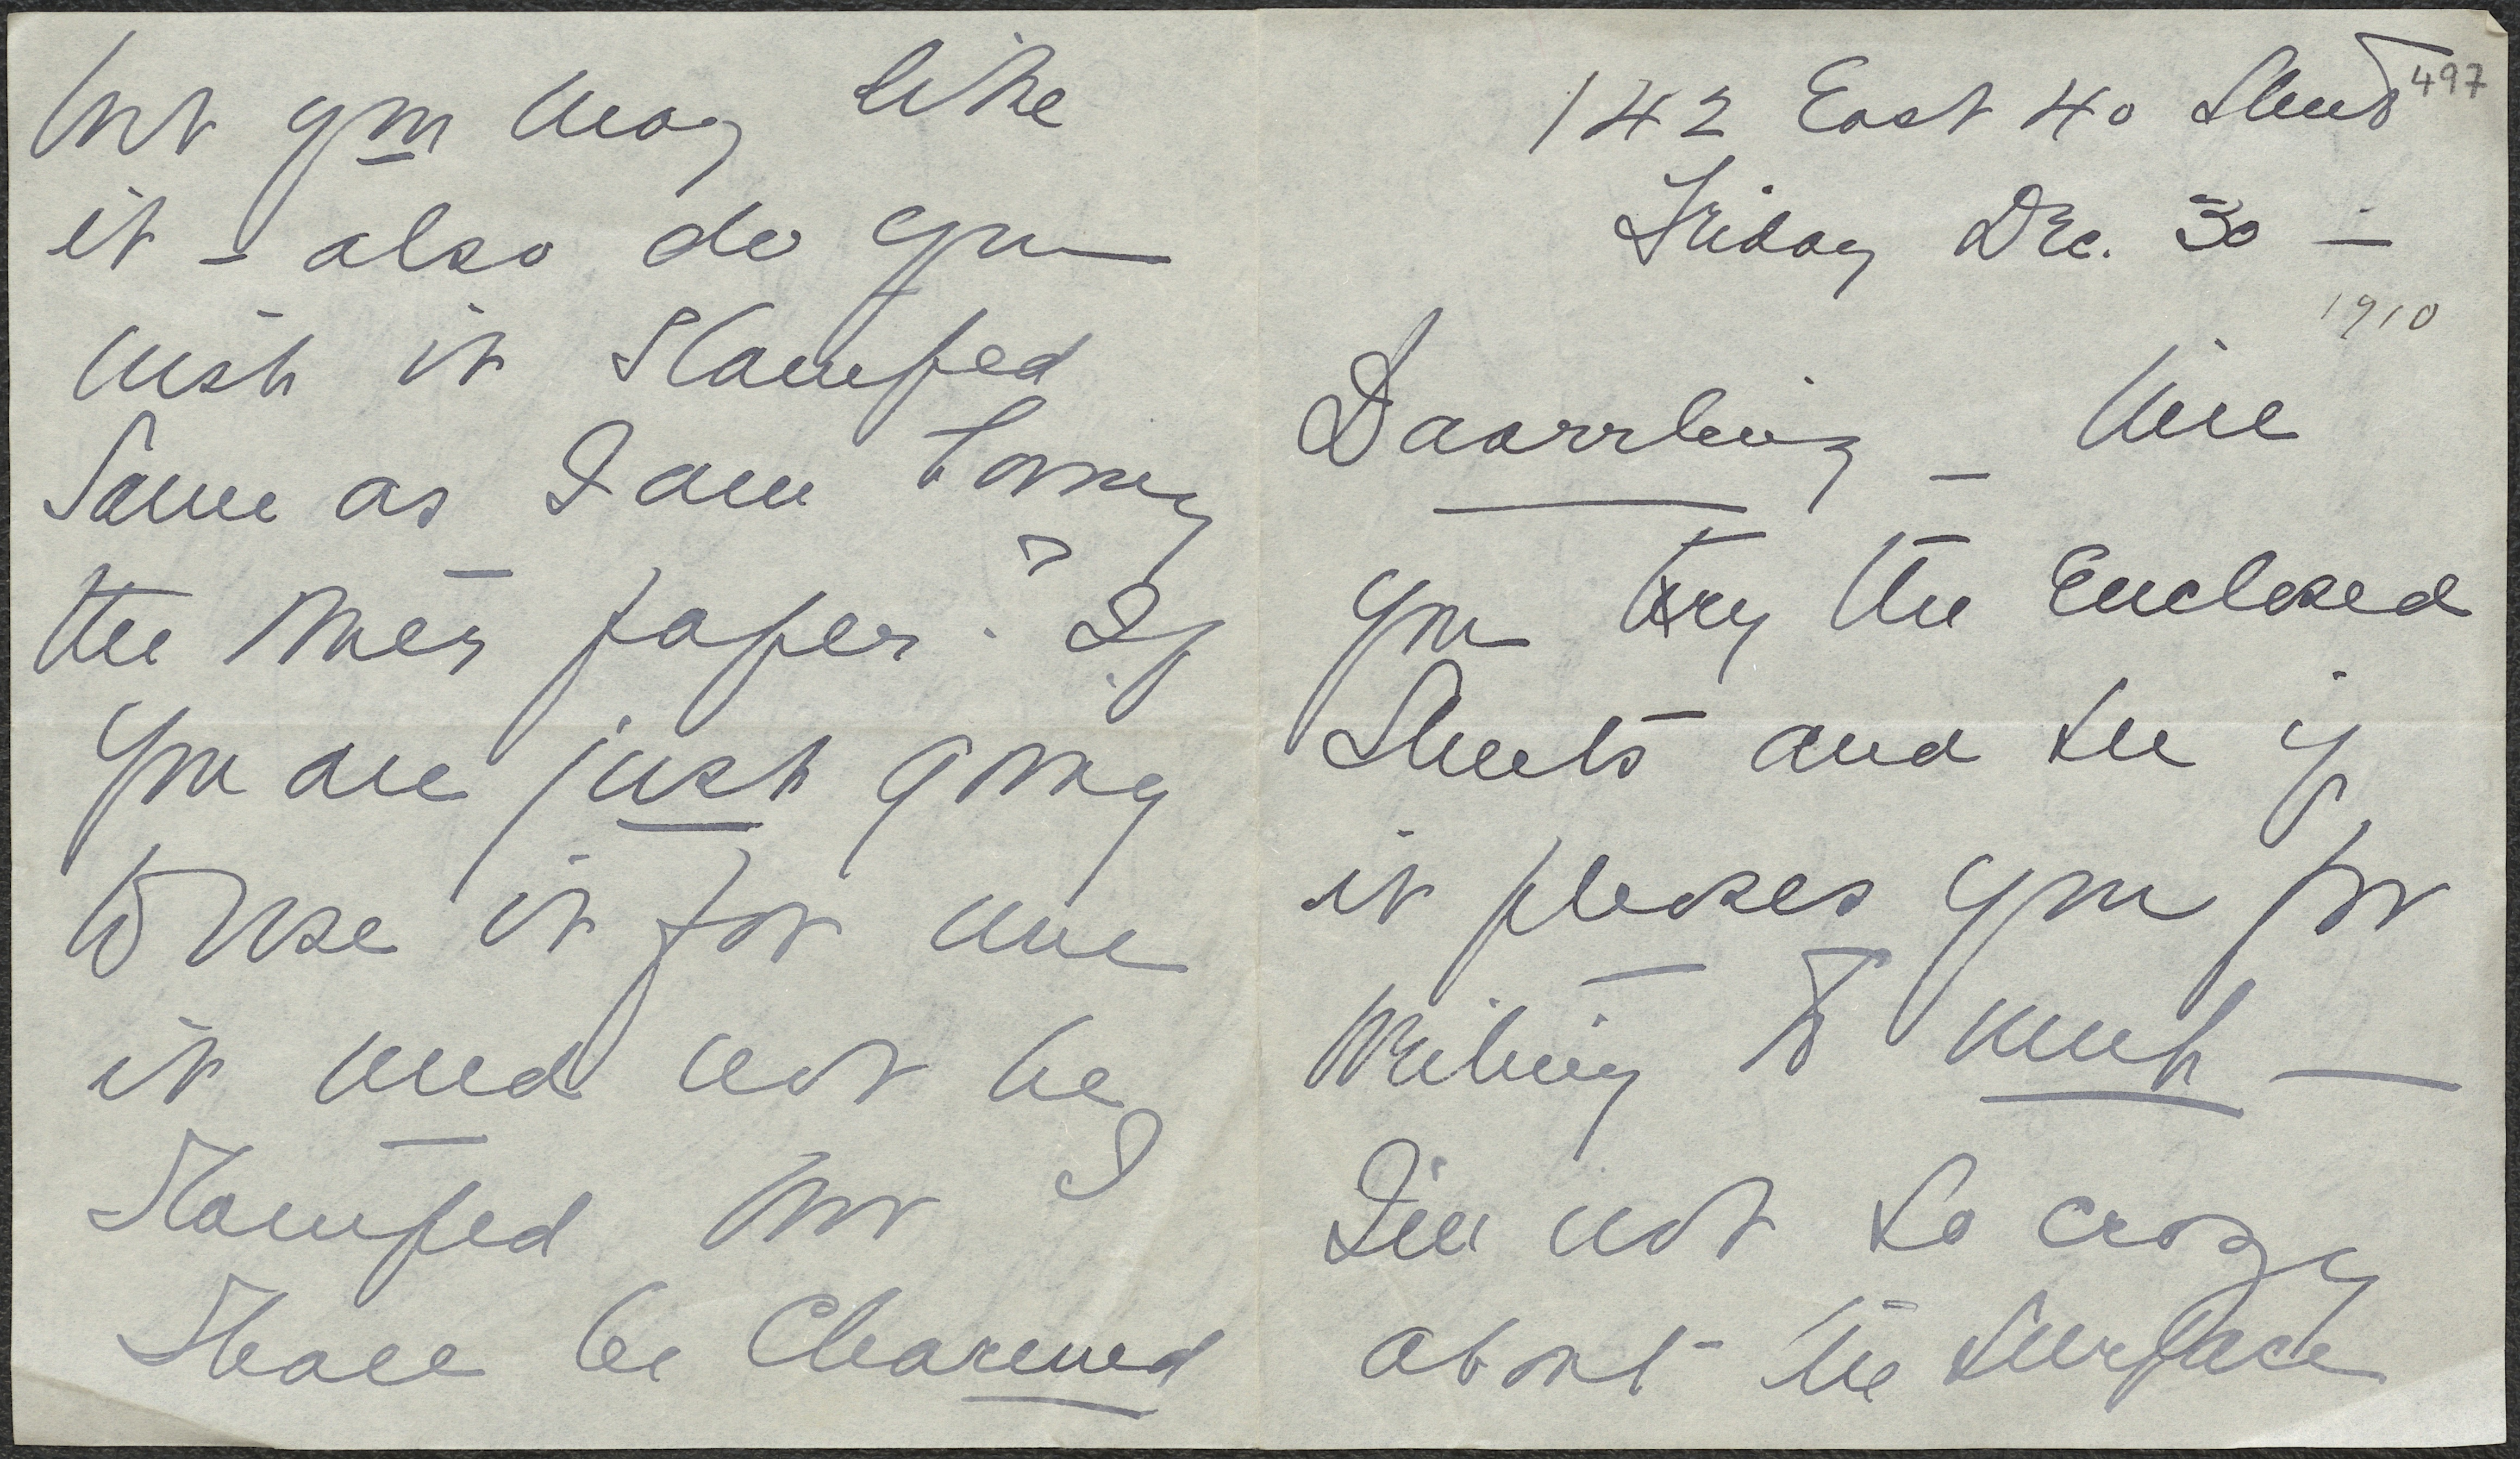142 East 40 Street
Friday Dec. 30 –
Daarrling – Will you tery the enclosed sheets and see if it pleases you for writing to meeh –
I’m not so crazy about the surface
but you may like it – also do you wish it stamped same as I am having the other paper? If you are just going to use it for me it need not be stamped but I shall be charmed